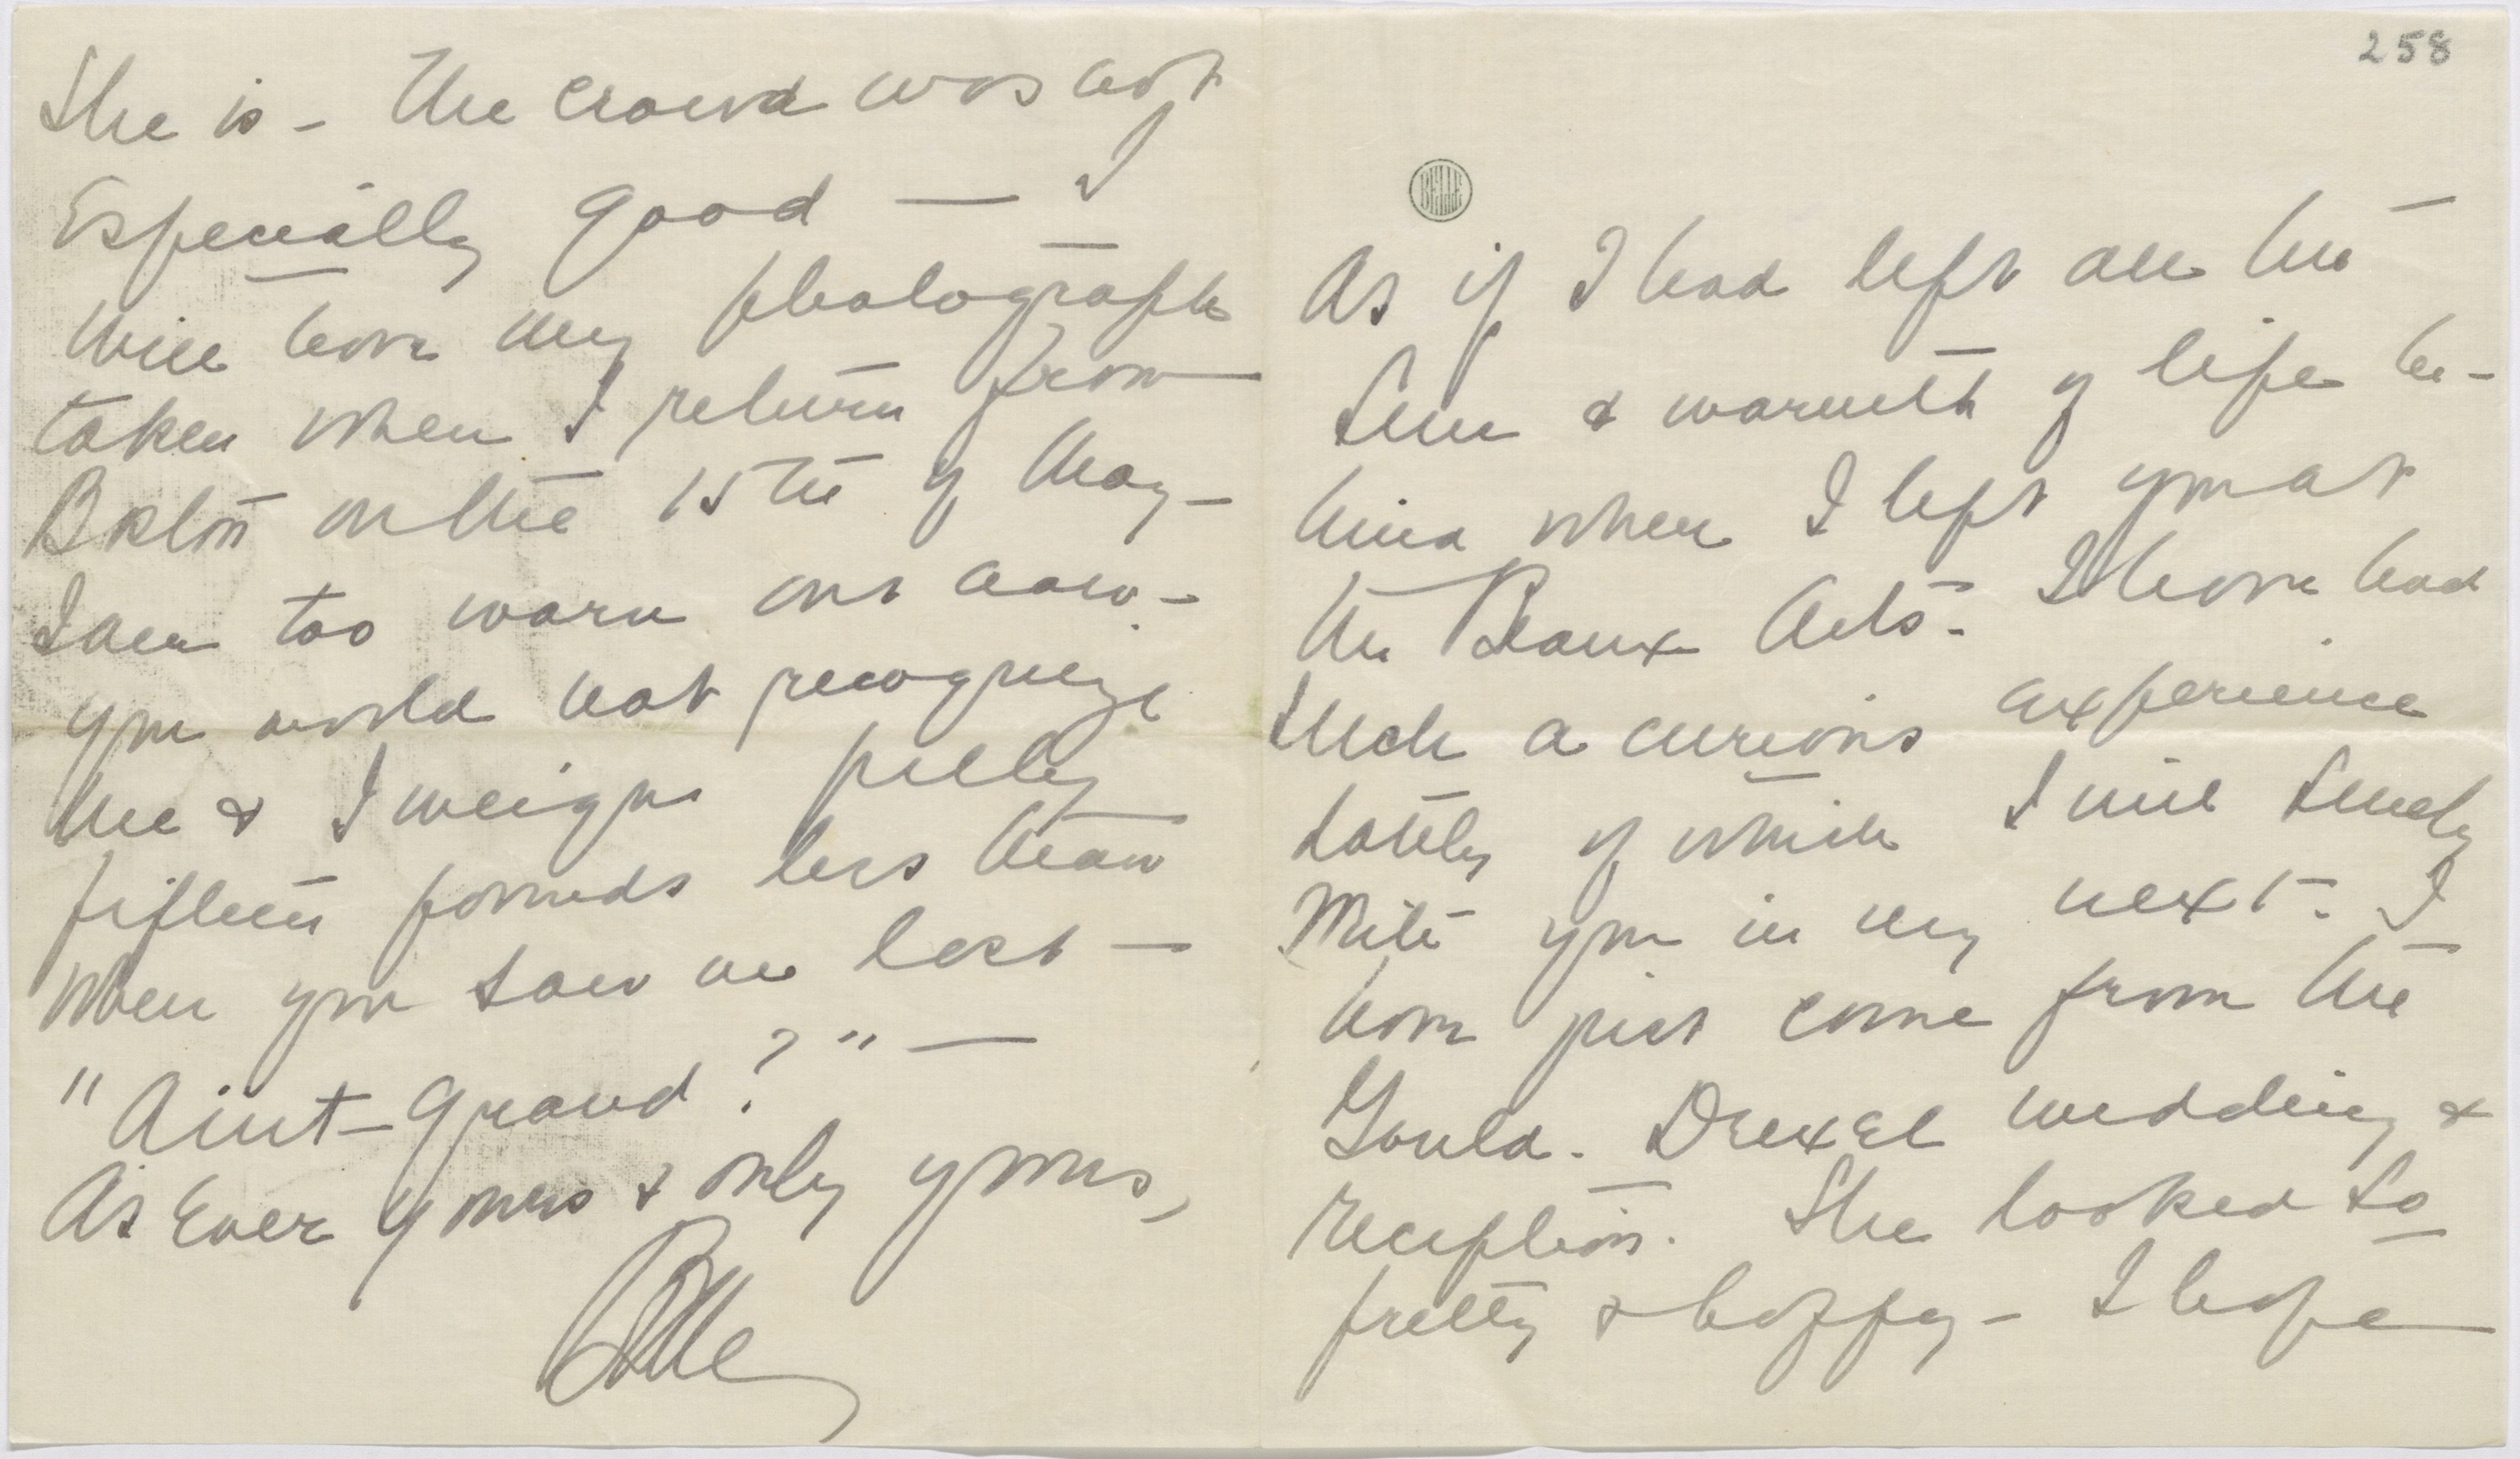as if I had left all the Sun & warmth of life behind when I left you at the Beaux Arts? I have had such a curious experience lately of which I will surely write you in my next. I have just come from the Gould – Drexel wedding & reception. She looked so pretty & happy – I hope
she is – The crowd was not especially good – I will have my photograph taken when I return from Boston on the 15th of May – I am too worn out now – You would not recognize me & I weigh fully fifteen pounds less than when you saw me last –
“Aint – Grand?” –
As ever yours & only yours,
Belle